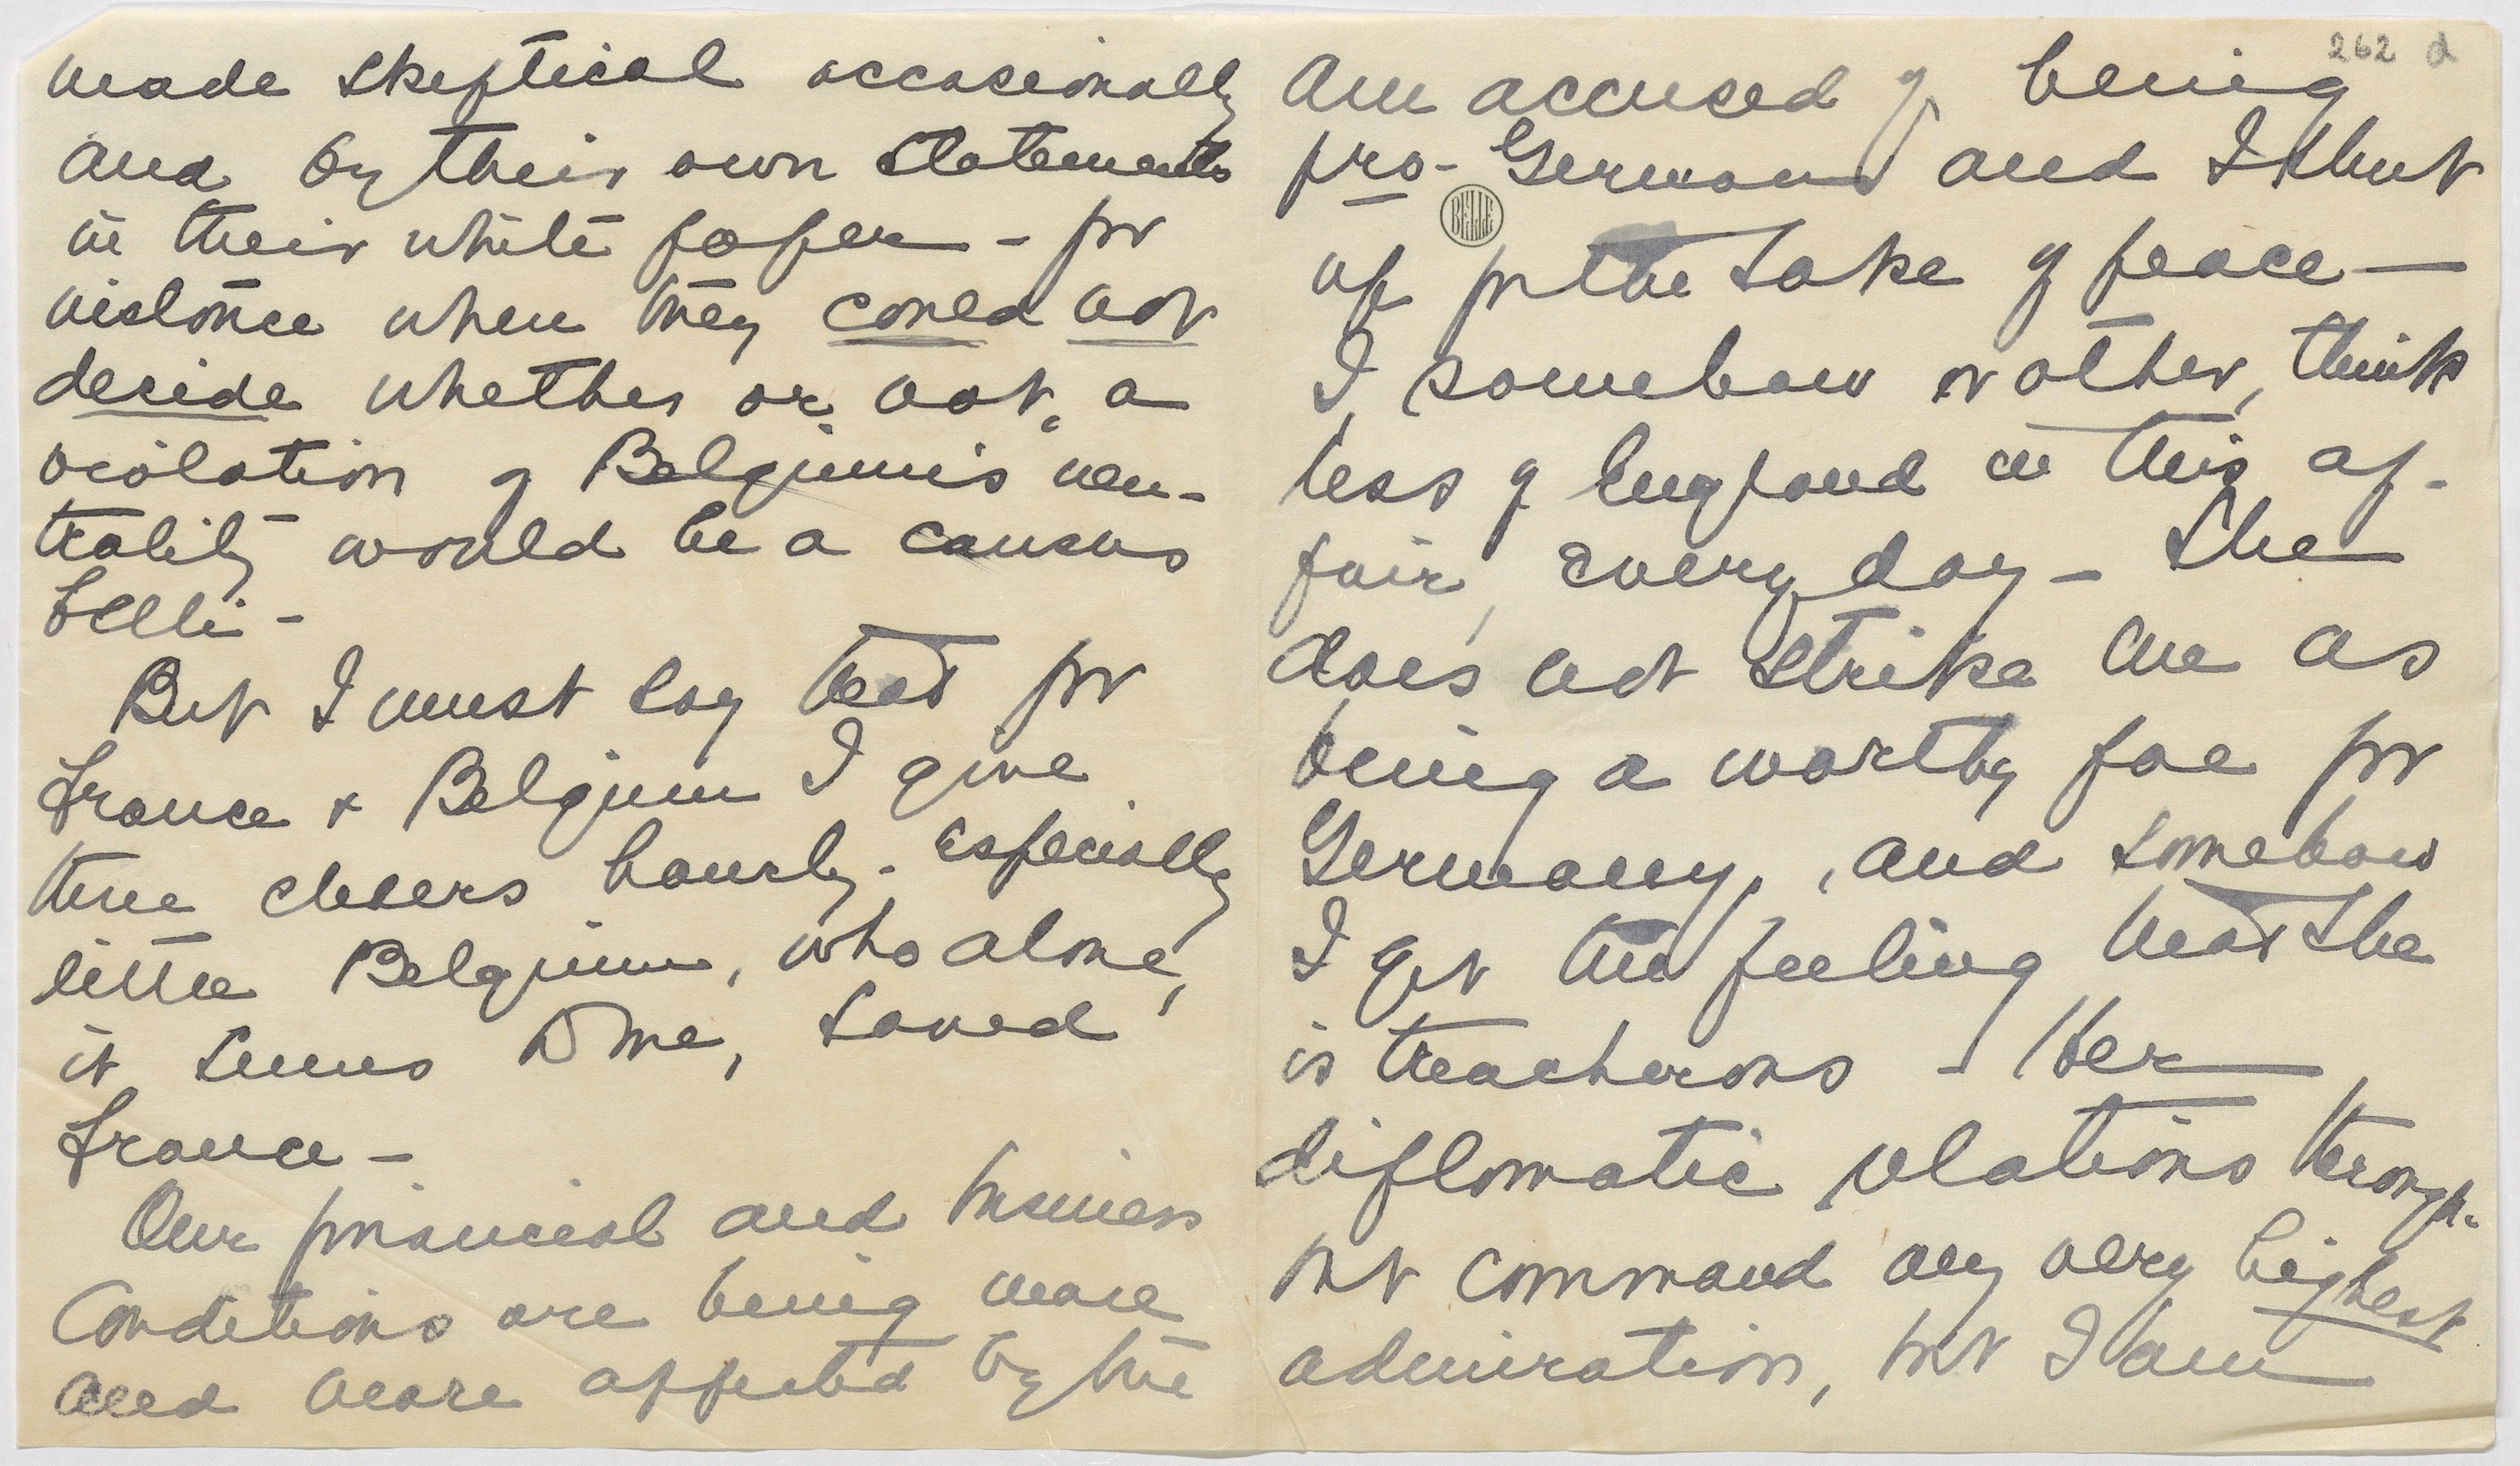am accused of being pro-German and I shut up for the sake of peace –
I somehow or other, think less of England in this affair everyday – She does not strike me as being a worthy foe for Germany, and somehow I get the feeling that she is treacherous – Her diplomatic relations throughout command my very highest admiration, but I am
made skeptical occasionally and by their own statements in their white paper –for instance when they could not decide whether or not a violation of Belgium’s neutrality would be a causus [sic] belli –
But I must say that for France & Belgium I give three cheers hourly – Especially little Belgium, who alone it seems to me, saved France –
Our financial and business conditions are being more and more affected by the